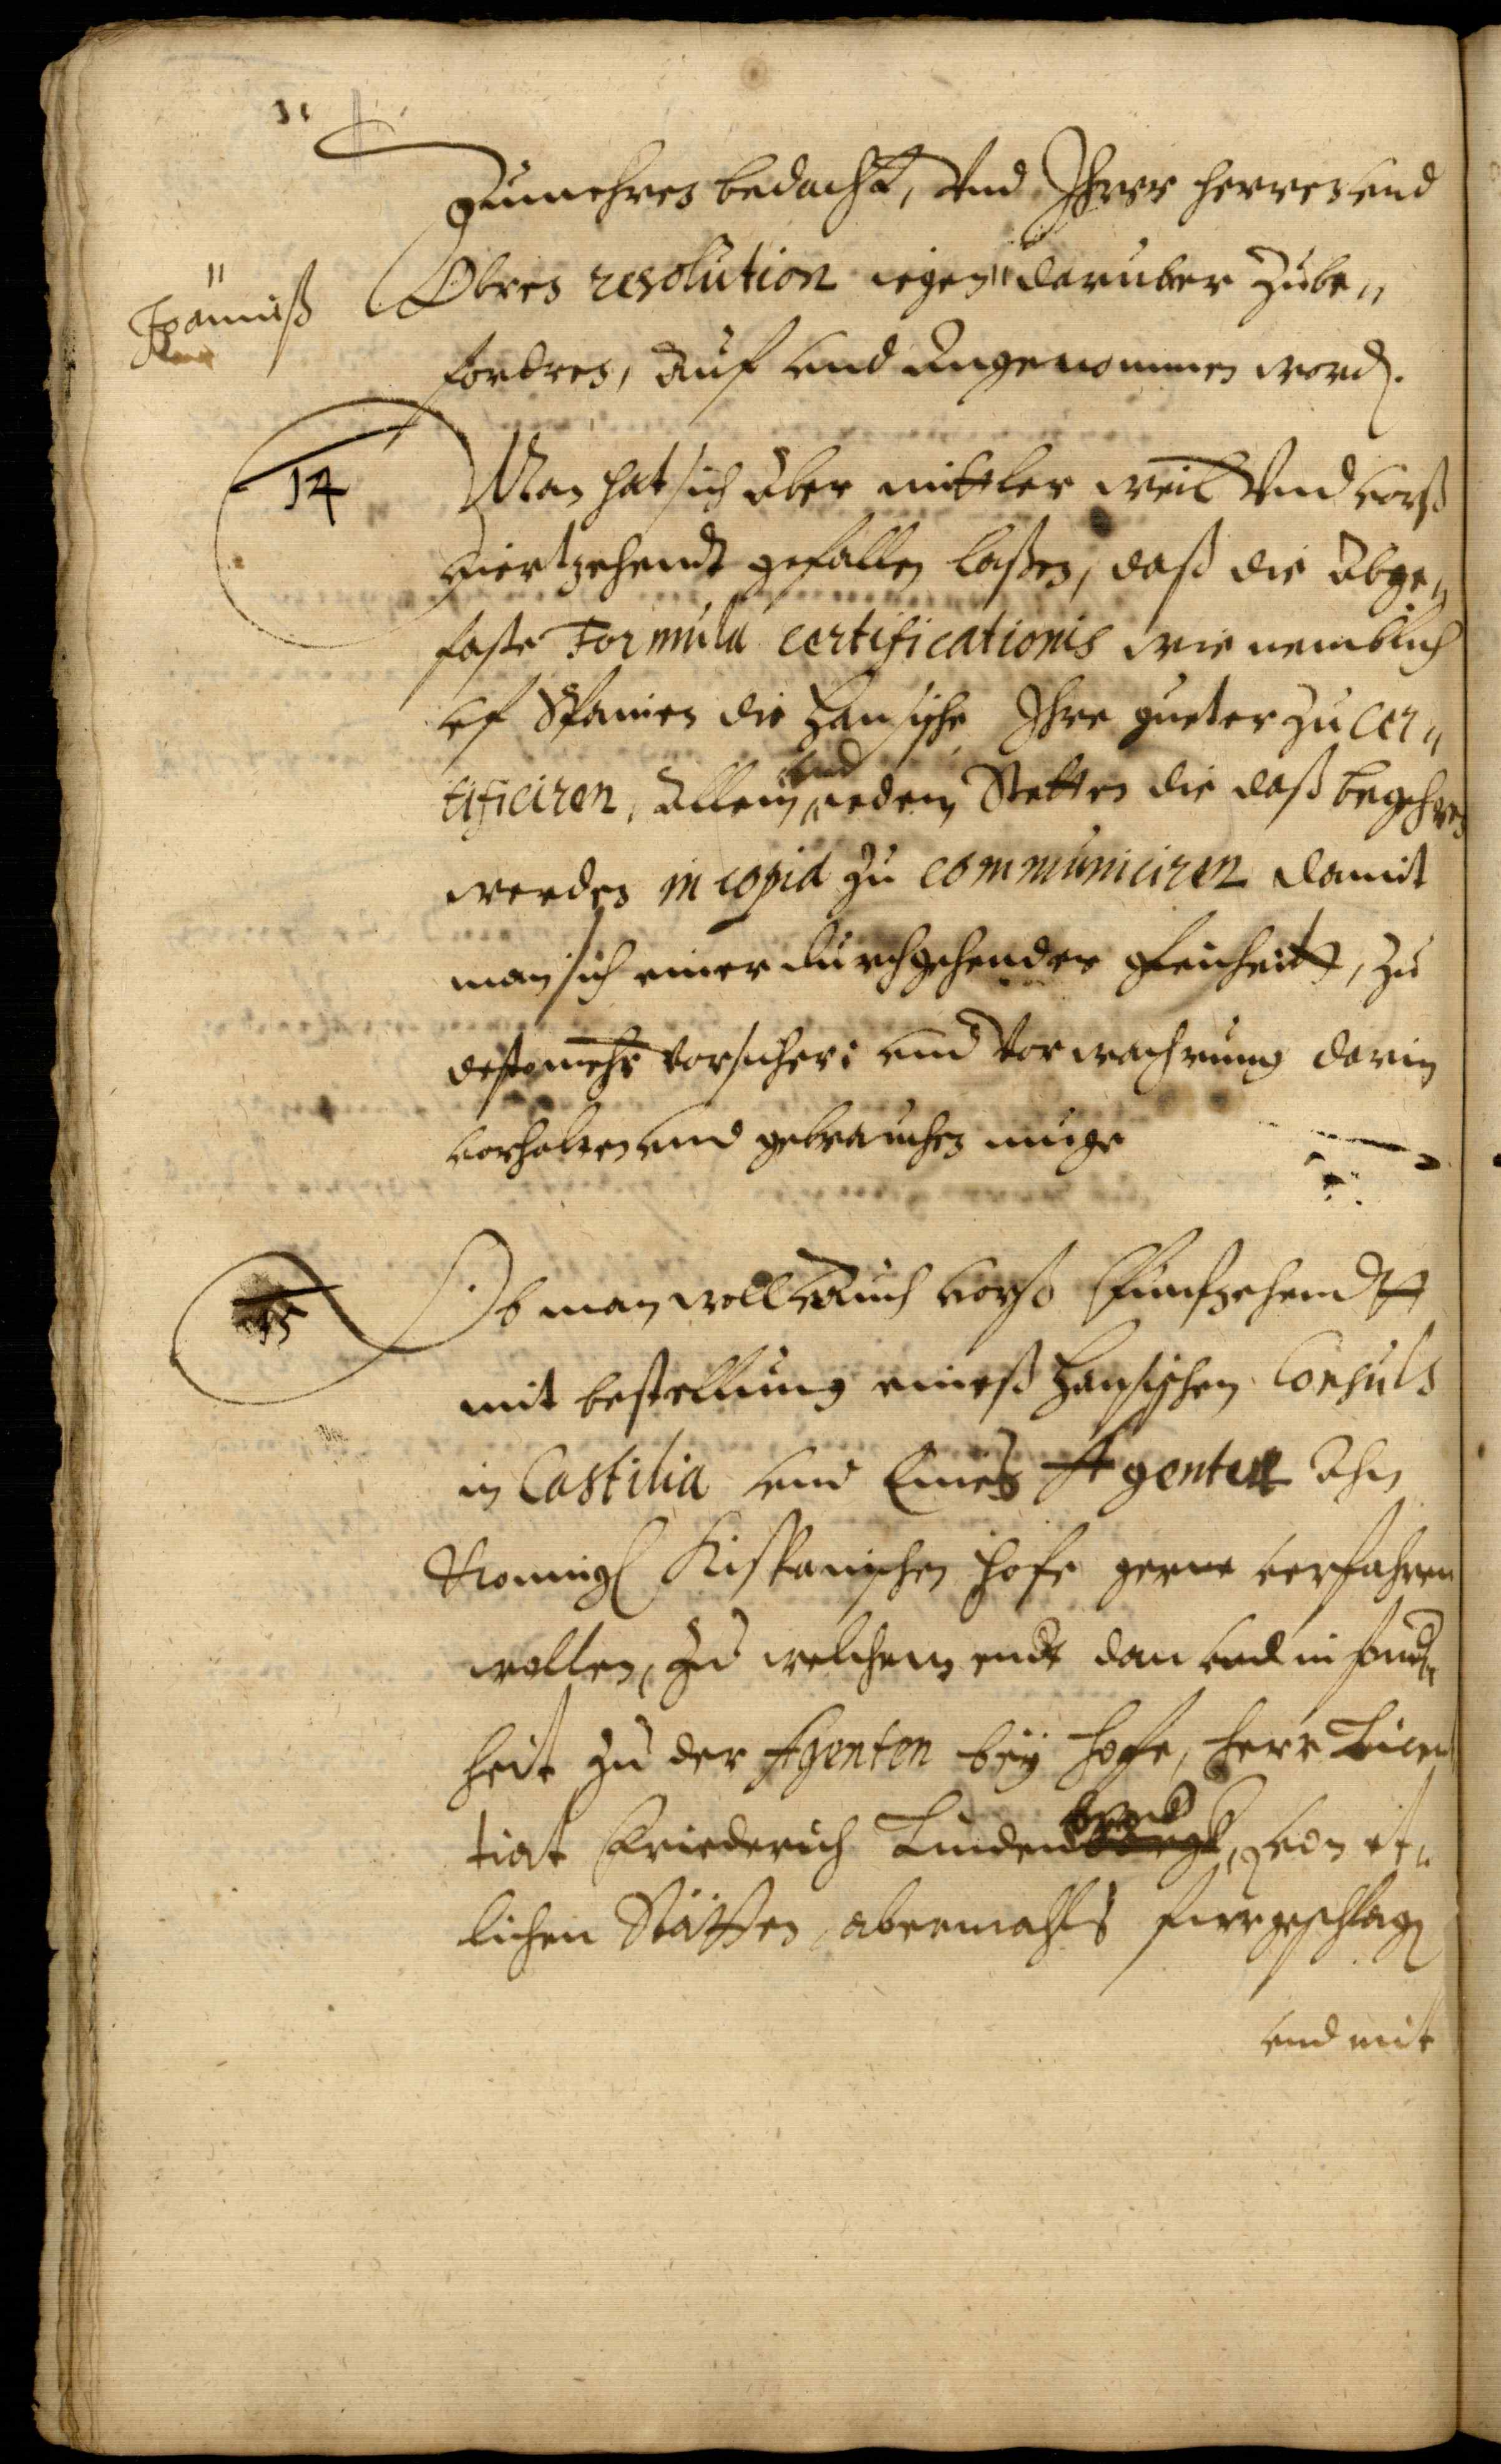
Zumehren bedacht, vnd Ihrer herren vnd
Obern resolution iegen ,,daruber zube¬
fordren, Auf vnd Angenommen worden.
Joanniß
14
Man hat sich aber mittler weil vnd vorß
viertzehendt gefallen laßen, daß die Abge¬
faste Formula certificationis wie nemblich
vf Spanien die Hansische Ihre gueter zu cer¬
tificiren, allein vnd andern Stetten die daß begehren
werden in copia zu communiciren damit
man sich einer durchgehenden gleicheitt, zu
desto mehr vorsicher: vnd Vorwahrung darin
vorhalten vnd gebrauchen muge
15
Ob man woll auch vorß Funfzehendtt
mit bestellung eineß Hansischen Consuls
in Castilia vnd Eines Agenten ahm
Konigl Hispanischen hofe gerne vorfahren
wollen, zu welchem endt dan auch in sonder¬
heit zu der Agenten beij hofe, herr Licen¬
tiat Friederich Lundenborgkbrock, von et¬
lichen Stätten, abermahls furgeschlagen
vnd mit
